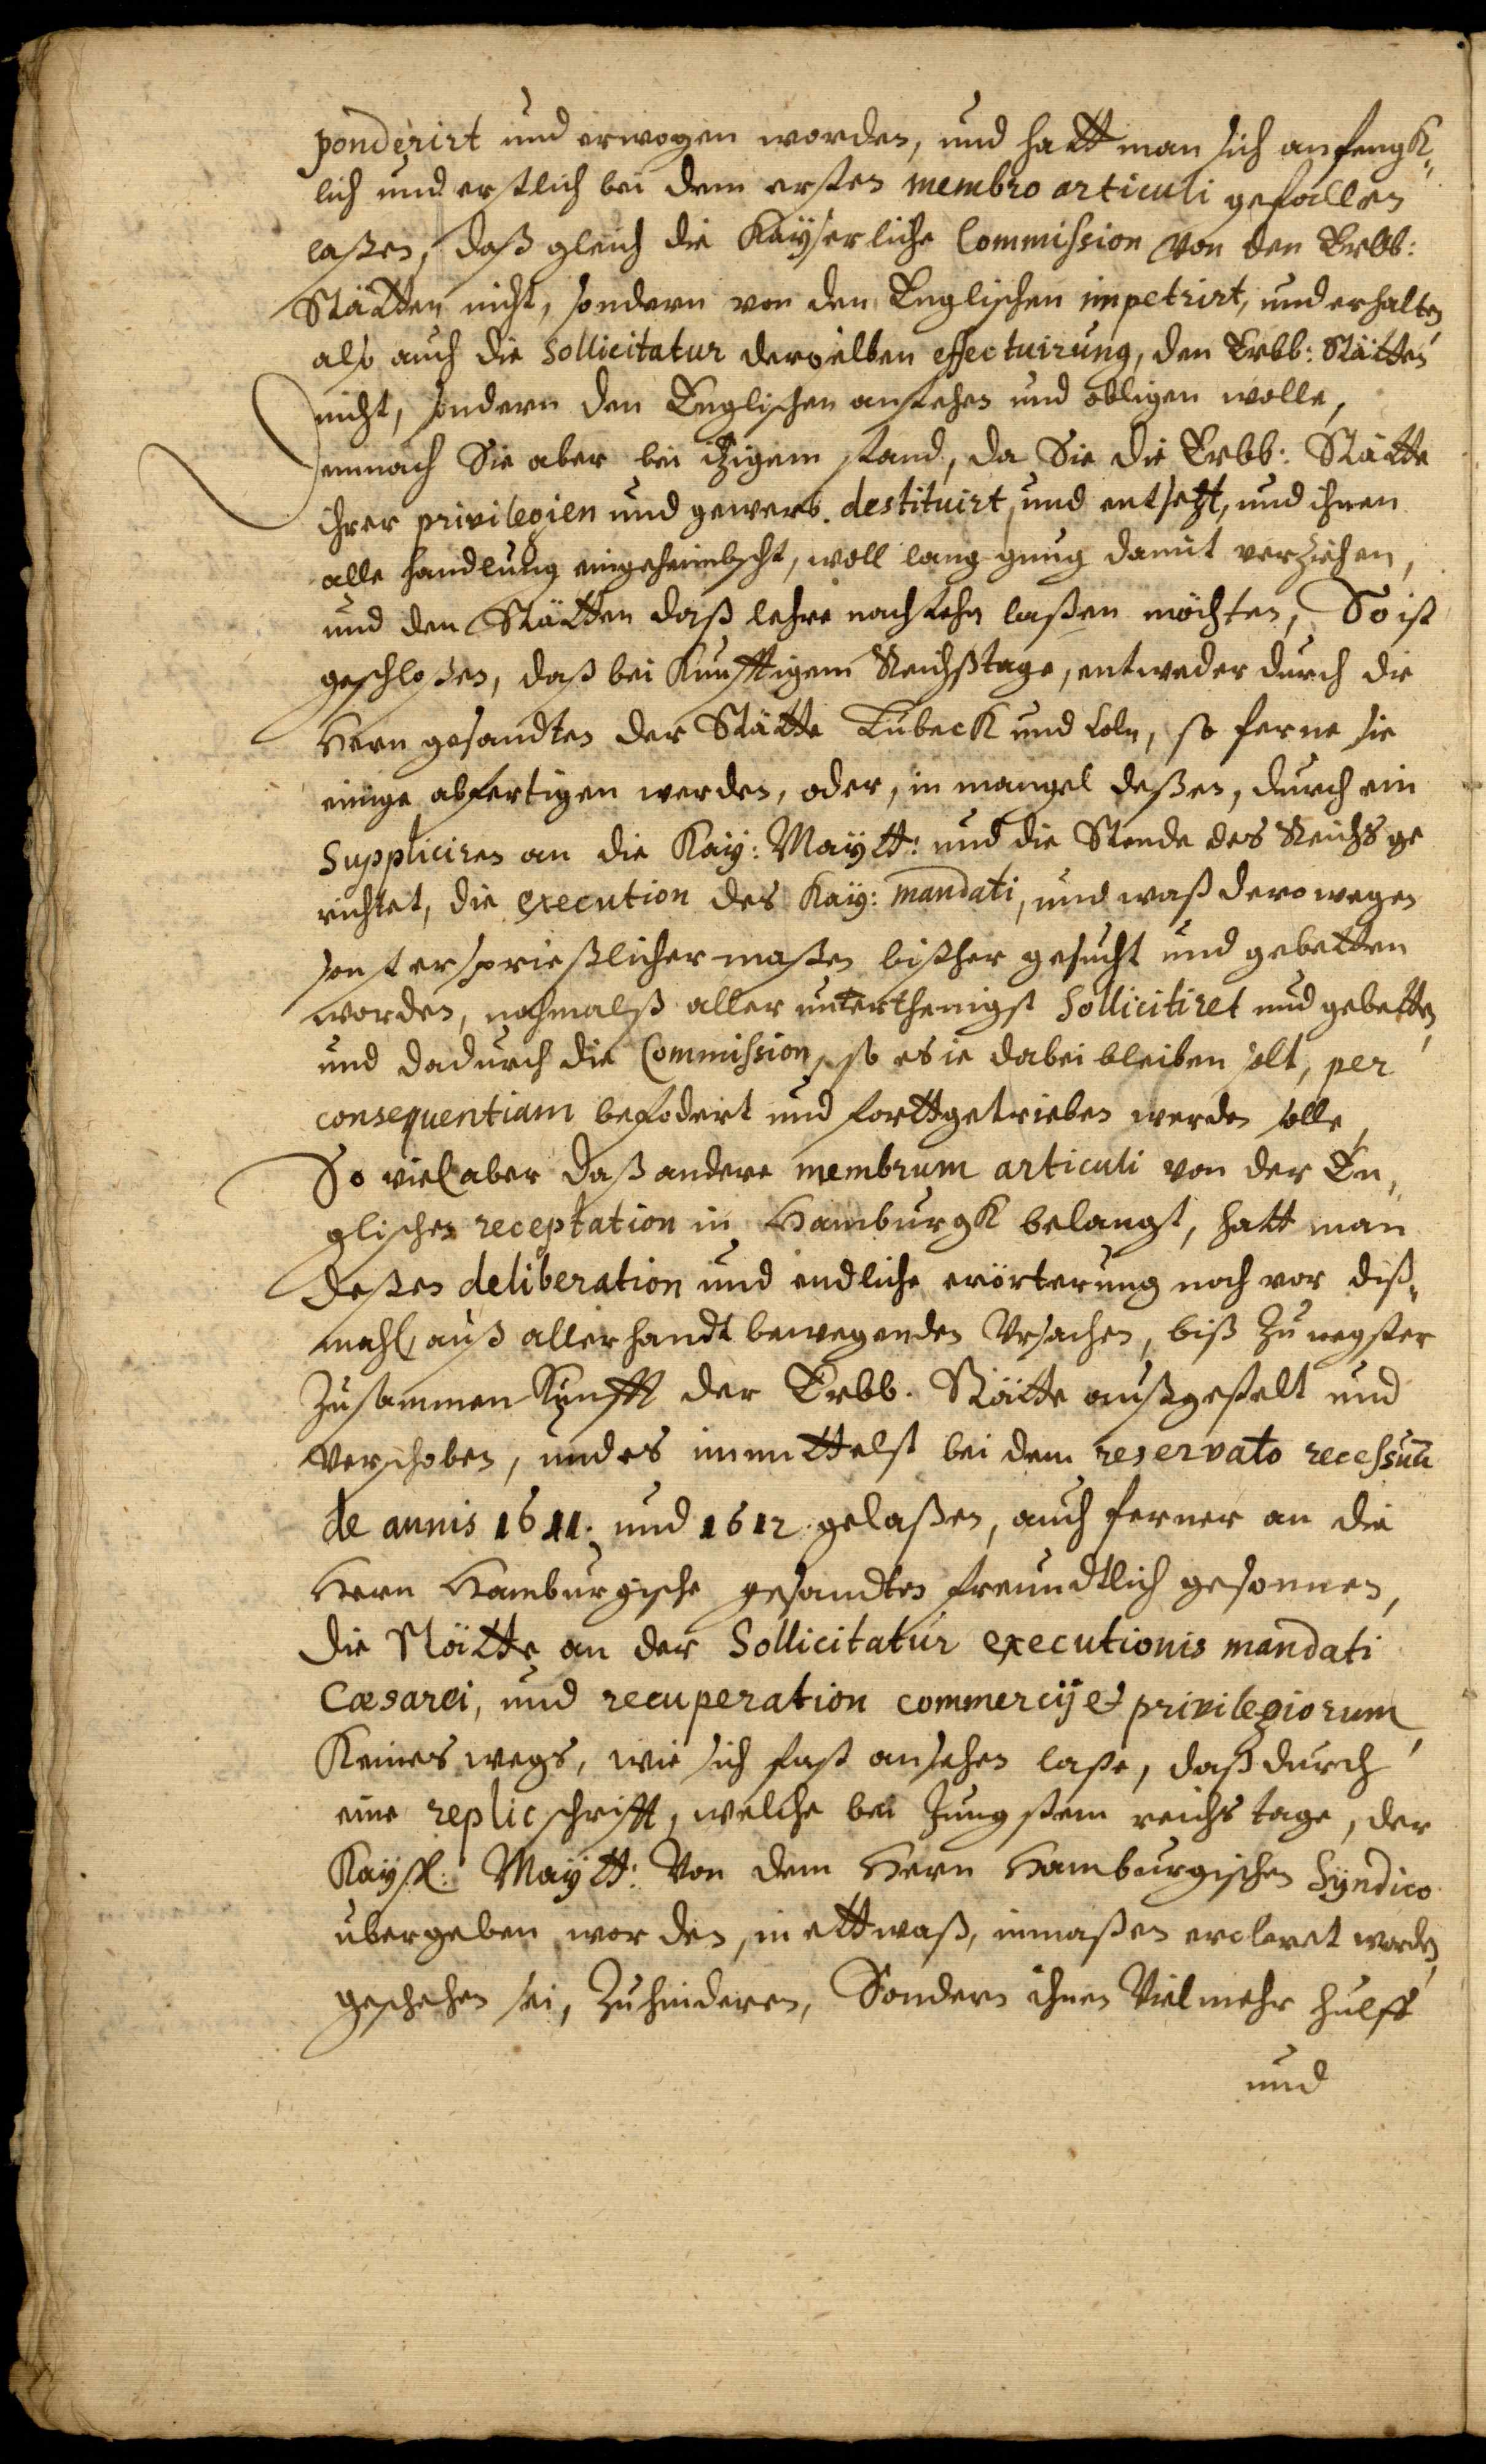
ponderirt und erwogen worden, und hatt man sich anfengk¬
lich und erstlich bei dem ersten membro articuli gefallen
laßen, daß gleich die Kaijserliche Commission von den Erbb:
Stätten nicht, sondern von den Englischen impetrirt, und erhalten,
also auch die sollicitatur deroselben effectuirung, den Erbb: Stätten
nicht, sondern den Englischen anstehen und obligen wolle,
Demnach Sie aber bei itzigem stand, da Sie die Erbb: Stätte
ihrer privilegien und gewerb destituirt, und entsetzt, und ihnen
alle handlung eingeheimbscht, woll lang gnug damit verziehen,
und den Stätten daß lehre nachstehn laßen möchten, So ist
geschloßen, daß bei kunfftigem Reichßtage, entweder durch die
Hern gesandten der Stätte Lubeck und Coln, so ferne sie
einige abfertigen werden, oder, in mangel deßen, durch ein
Suppliciren an die Kaij: Maijtt: und die Stende des Reichs ge
richtet, die execution des Kaij: mandati, vnd waß dero wegen
sonst ersprießlicher maßen bißher gesucht vnd gebetten
worden, nochmalß aller unterthenigst Sollicitiret und gebetten,
und dadurch die Commission, so es ie dabei bleiben solt, per
consequentiam befodert und forttgetrieben werden solle,
So viel aber daß andere membrum articuli von der En¬
glischen receptation in Hamburgk belangt, hatt man
deßen deliberation und endliche erörterung noch vor diß¬
mahl, auß allerhandt bewegenden Vrsachen, biß zu negster
Zusammen Kunfft der Erbb: Stätte außgestelt und
verschoben, und es immittelst bei dem reservato recessuum
de annis 1611. und 1612. gelaßen, auch ferner an die
Herrn Hamburgische gesandten freundtlich gesonnen,
die Stätte an der Sollicitatur executionis mandati
Caesarei, vnd recuperation commercij et privilegiorum,
keines wegs, wie sich fast ansehen laße, daß durch
eine replicschrifft, welche bei jungstem reichs tage, der
Kaijßl: Maijtt: von dem Hern Hamburgischen Sijndico
ubergeben worden, in ettwaß, inmaßen erclaret worden,
geschehen sei, zuhinderen, Sondern ihnen Viel mehr hulff
und
